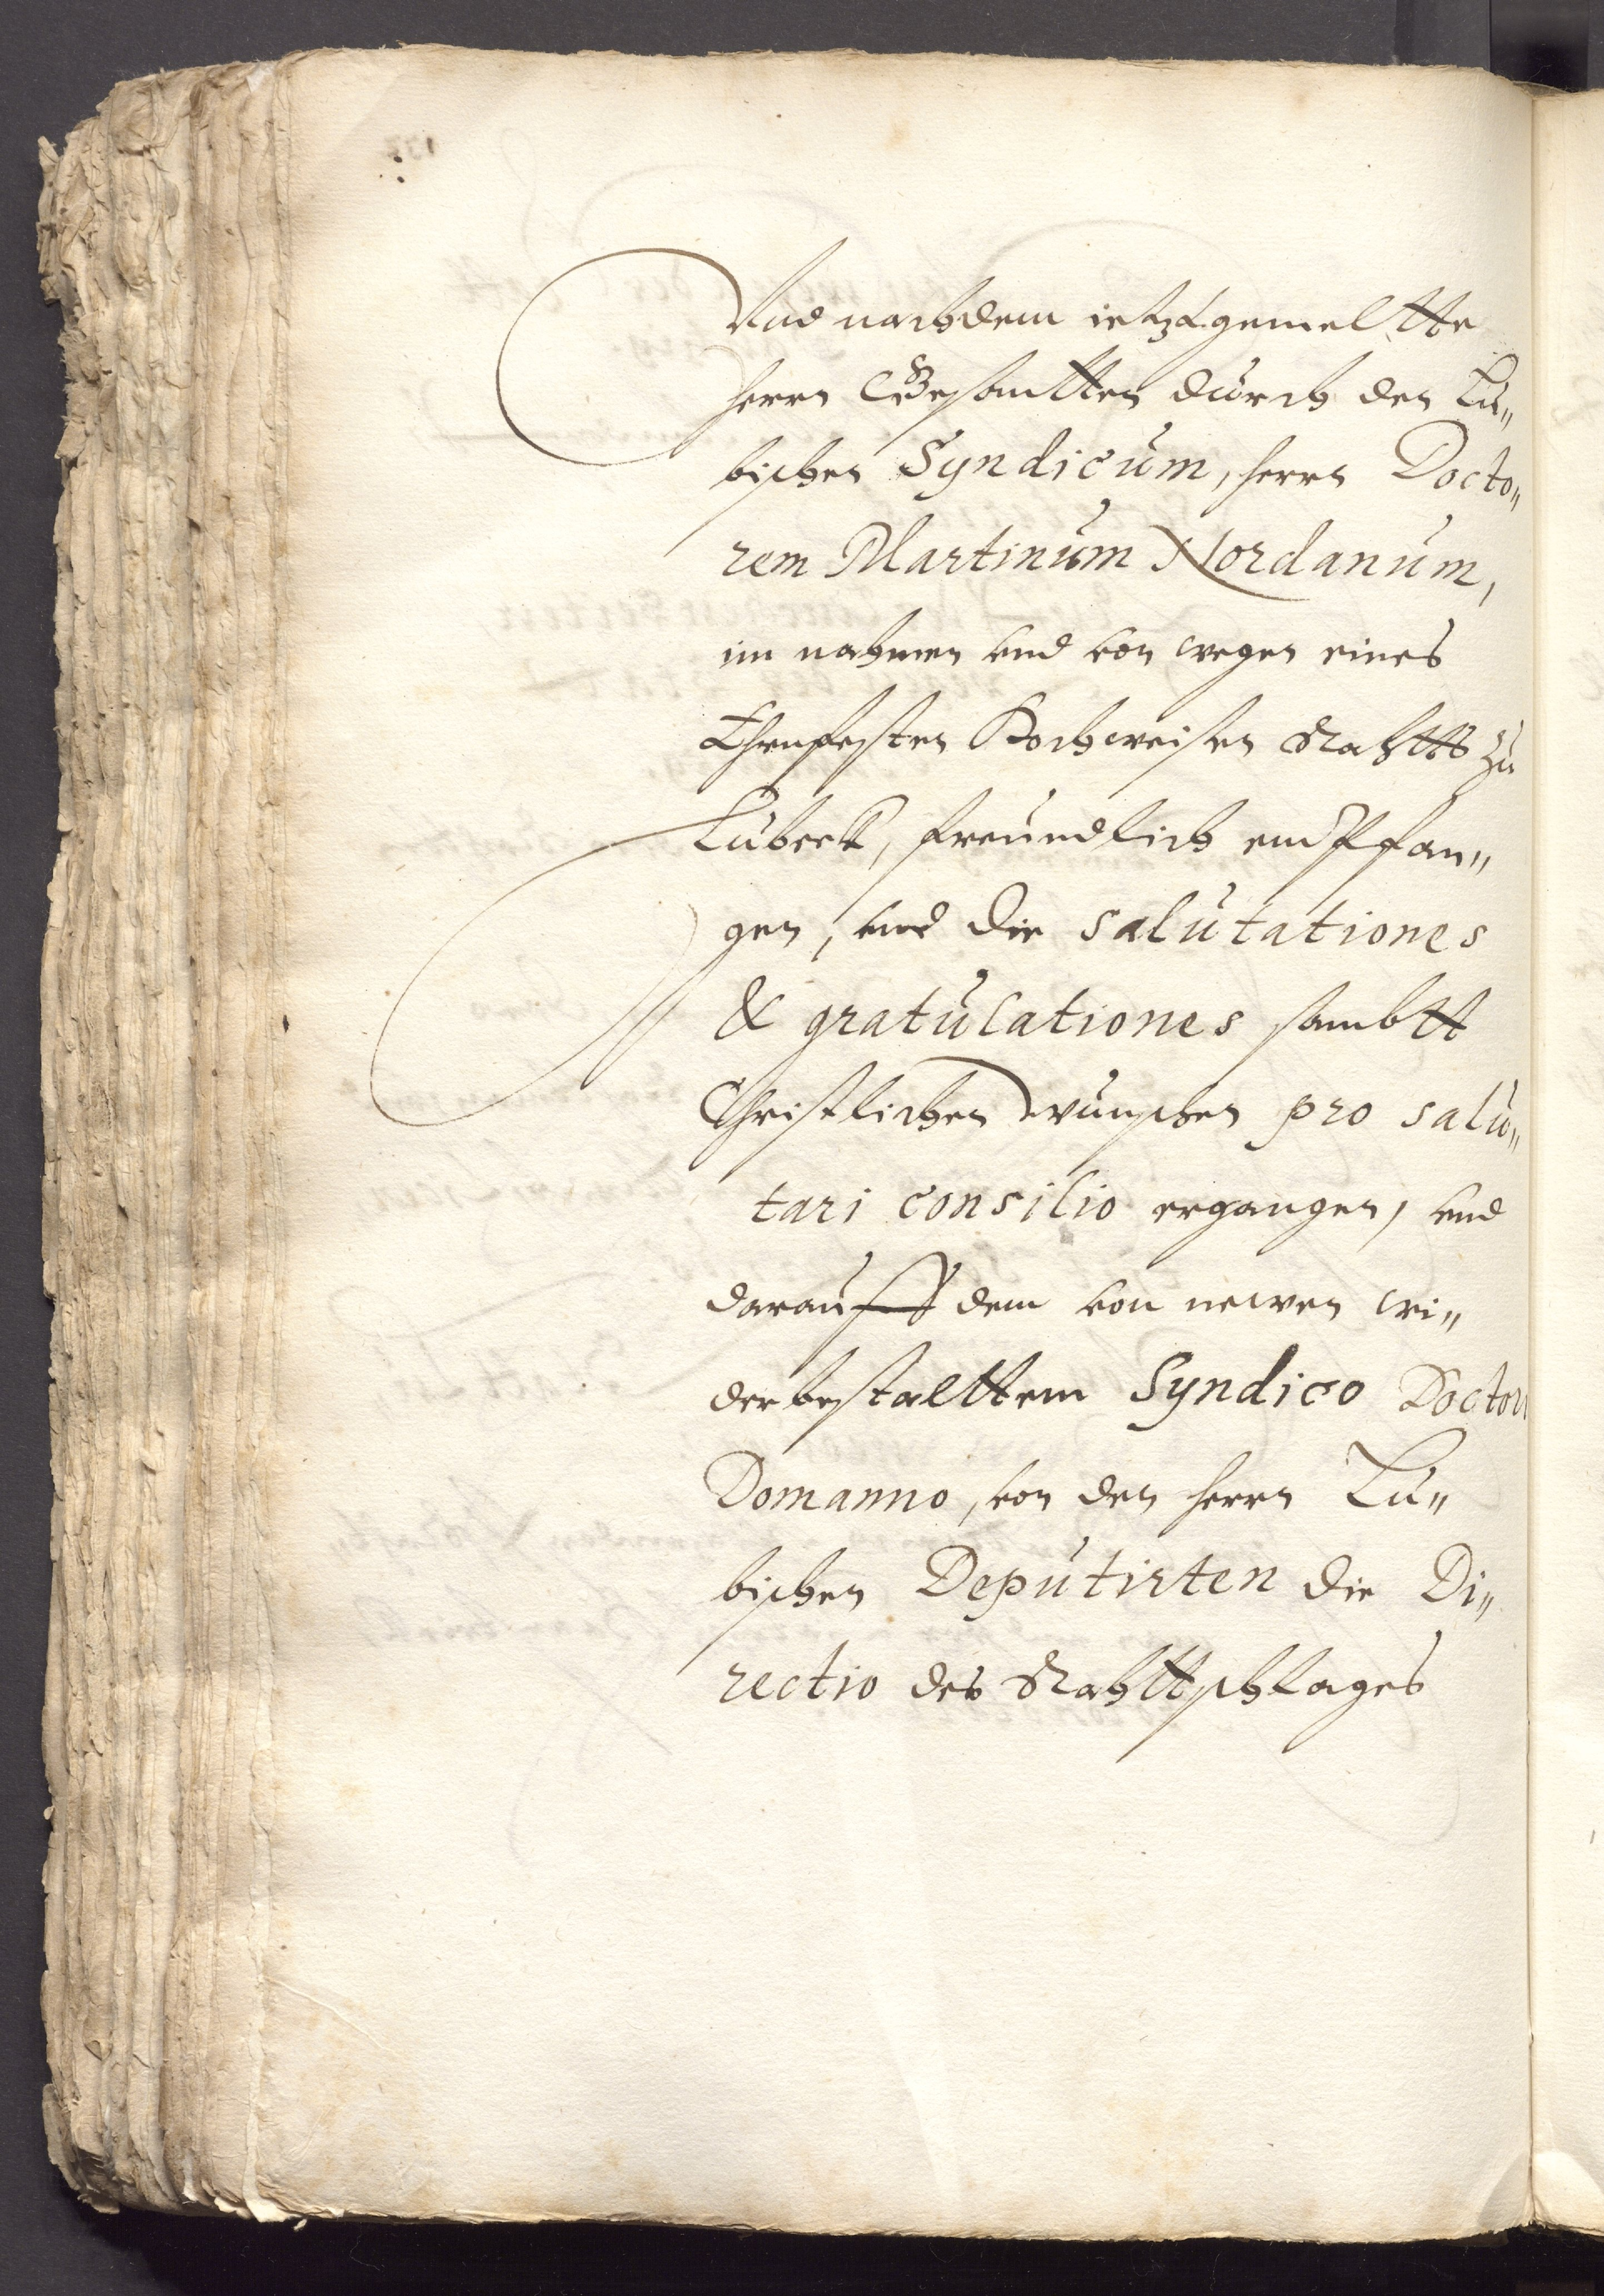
Vnd nachdem ietztgemeltte
herrn Gesantten durch des Lu¬
bischen Syndicum, herrn Docto¬
rem Martinum Nordanum,
im nahmen vnd von wegen eines
Ehrnfesten Hochweisen Rahtts zu
Lubeck, freundlich empfan¬
gen, vnd die salutationes
& gratulationes sambtt
Christlichen wunschen pro salu¬
tari consilio ergangen, vnd
darauff dem von newen wi¬
derbestalttem Syndico Doctor
Domanno, von des herrn Lu¬
bischen Deputirten die Di¬
rectio des Rahttschlages
